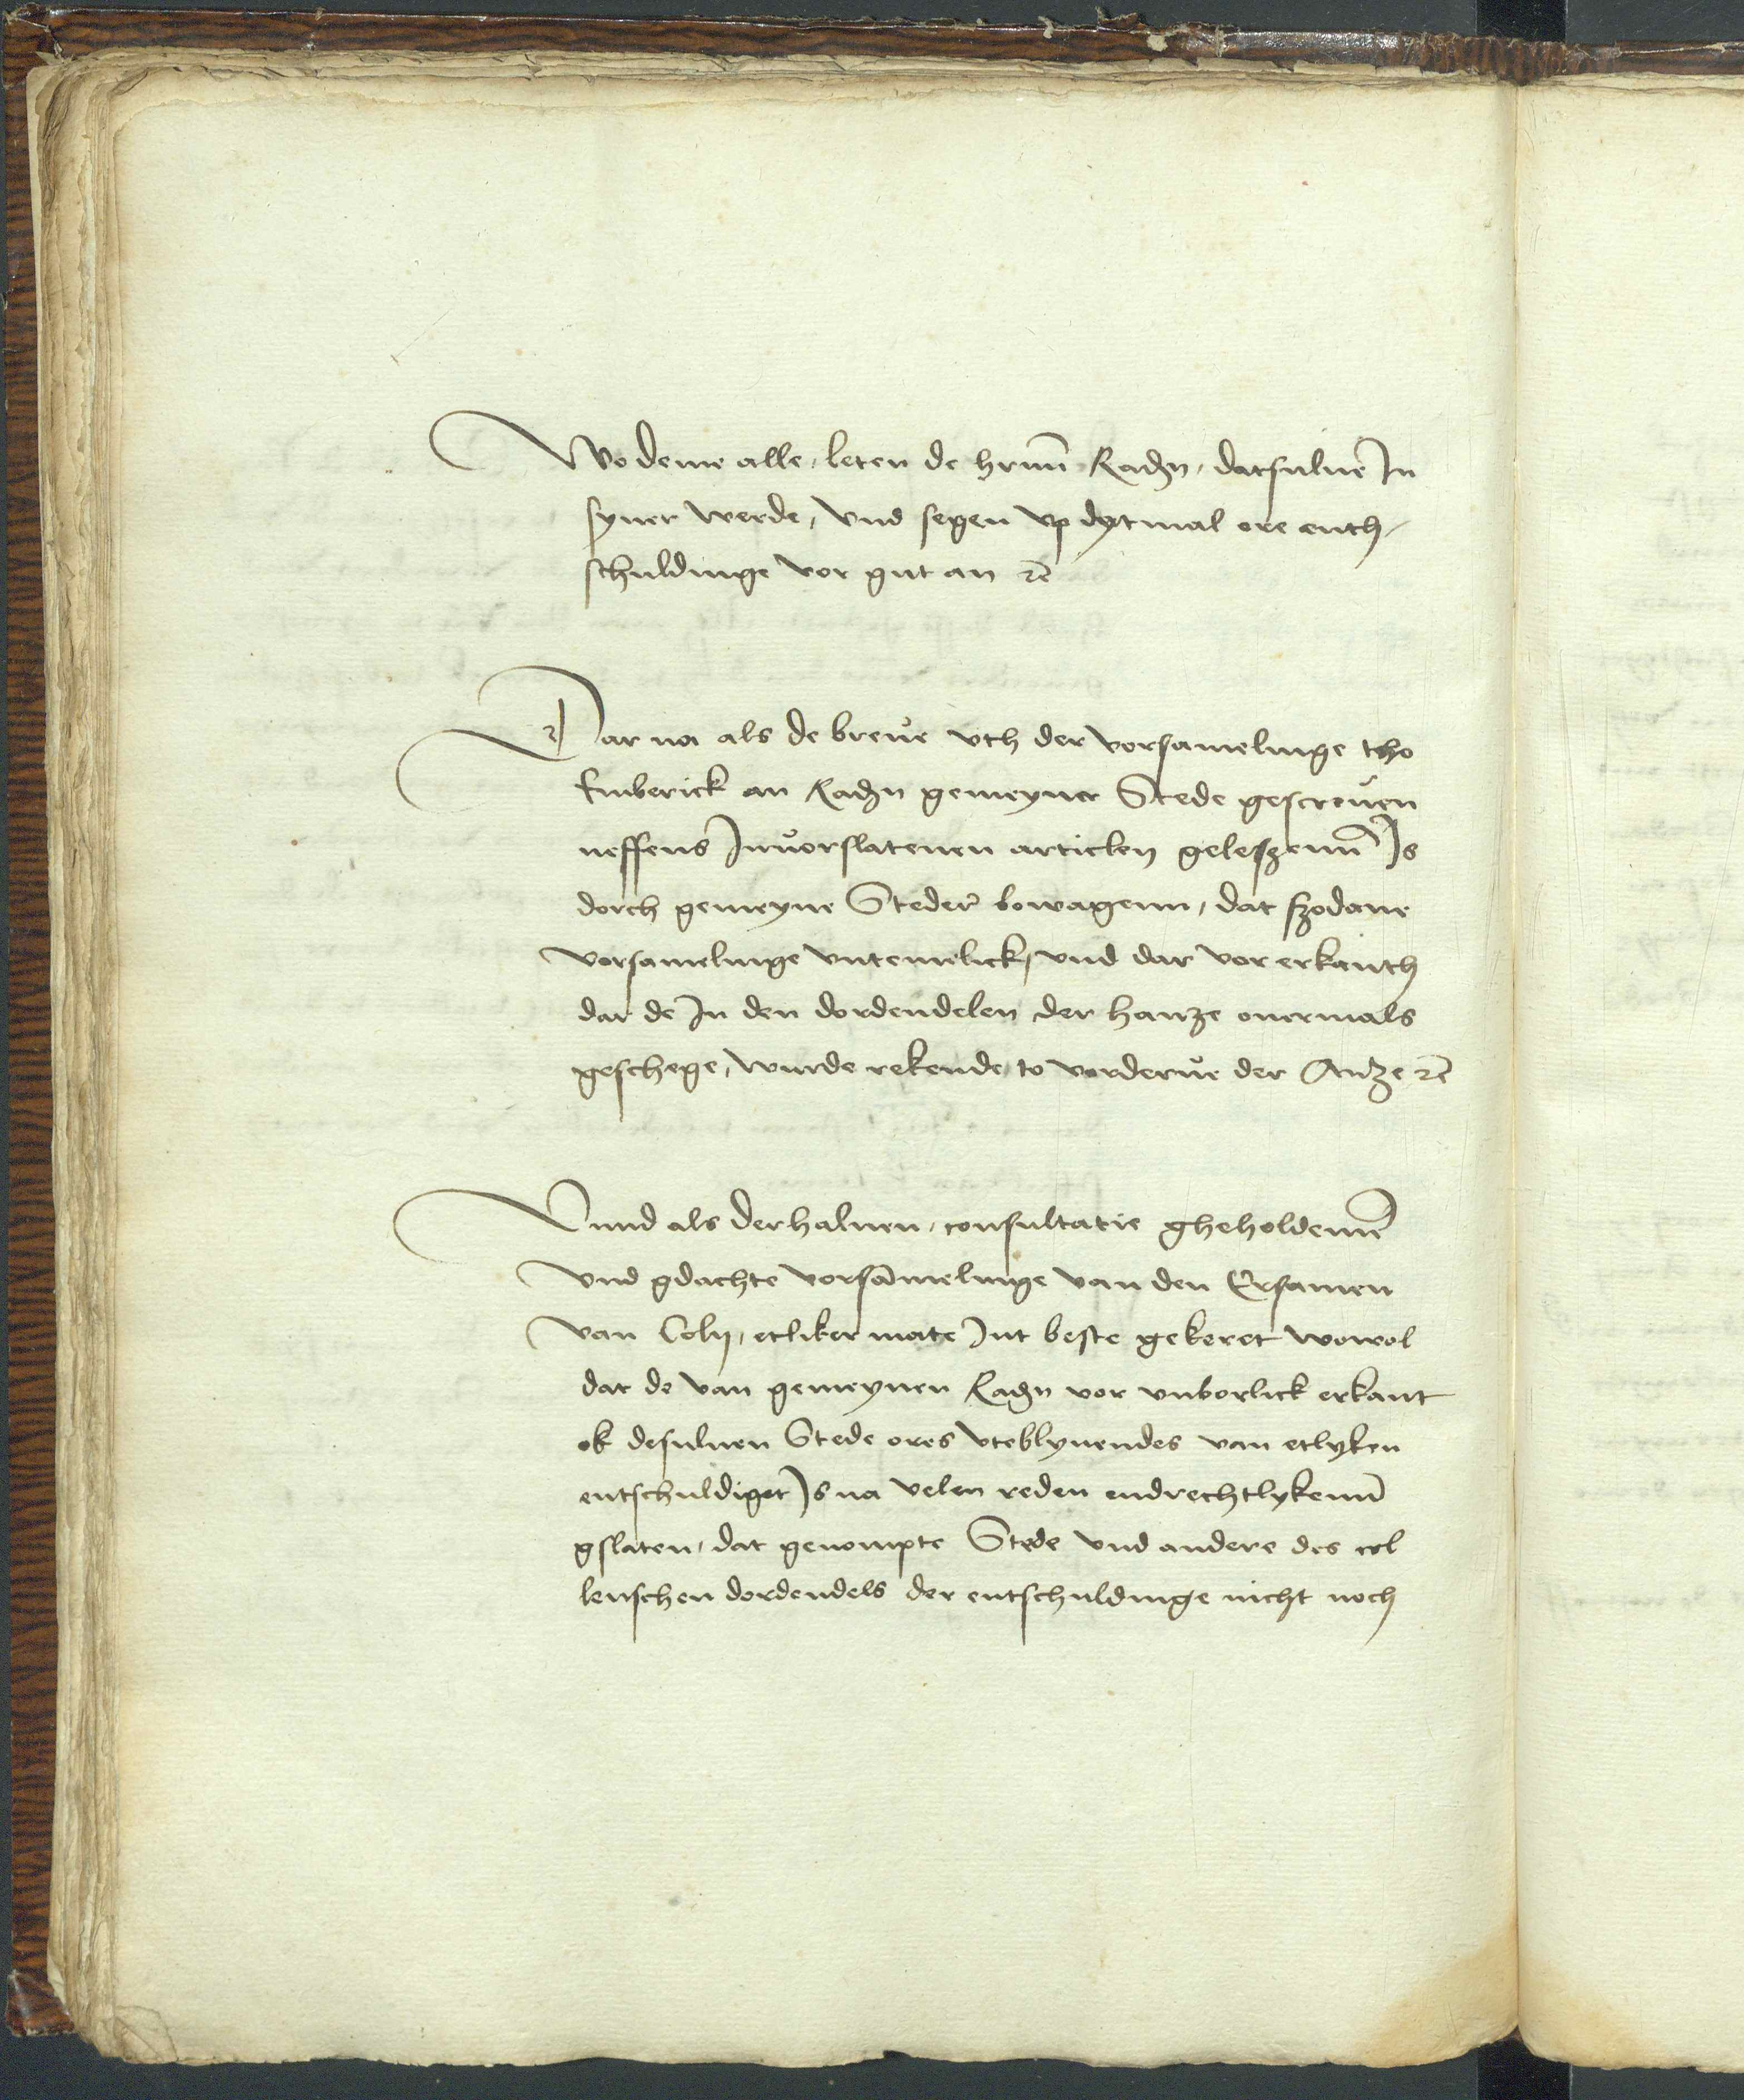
Nademe alle, leten de hernn Radessendebaden, datsuluen Jn
syner werde, vnd segen vp dytmal ore enth¬
schuldinge vor gut an etc
Dar na als de breue vth der vorsamelinge tho
Emberick an Radessendebaden gemeyner Stede gescreuen
neffens Jnuorslatenen articlen geleszenn Js
dorch gemeyne Steder bowagenn, dat szodane
vorsamelinge vntemelick, vnd der vorerkanth
dar de Jn den dordendelen der hanze ouermals
geschege, wurde rekende to vorderue der Anze etc
Vnd als derhaluen, consultatie gheholdenn
vnd gdachte vorsammelinge van den Ersamen
van Coln, etliken mate Jnt beste gekeret wowol
dat de van gemeynen Radessendebaden vor vnborlick erkant
ok desuluen Stede ores vthblyuendes van etlyken
entschuldiget Js na velen reden endrechtlykenn
gslaten, dat genompte Stede vnd andere des col¬
lenschen dordendels der entschuldinge nicht noch¬
